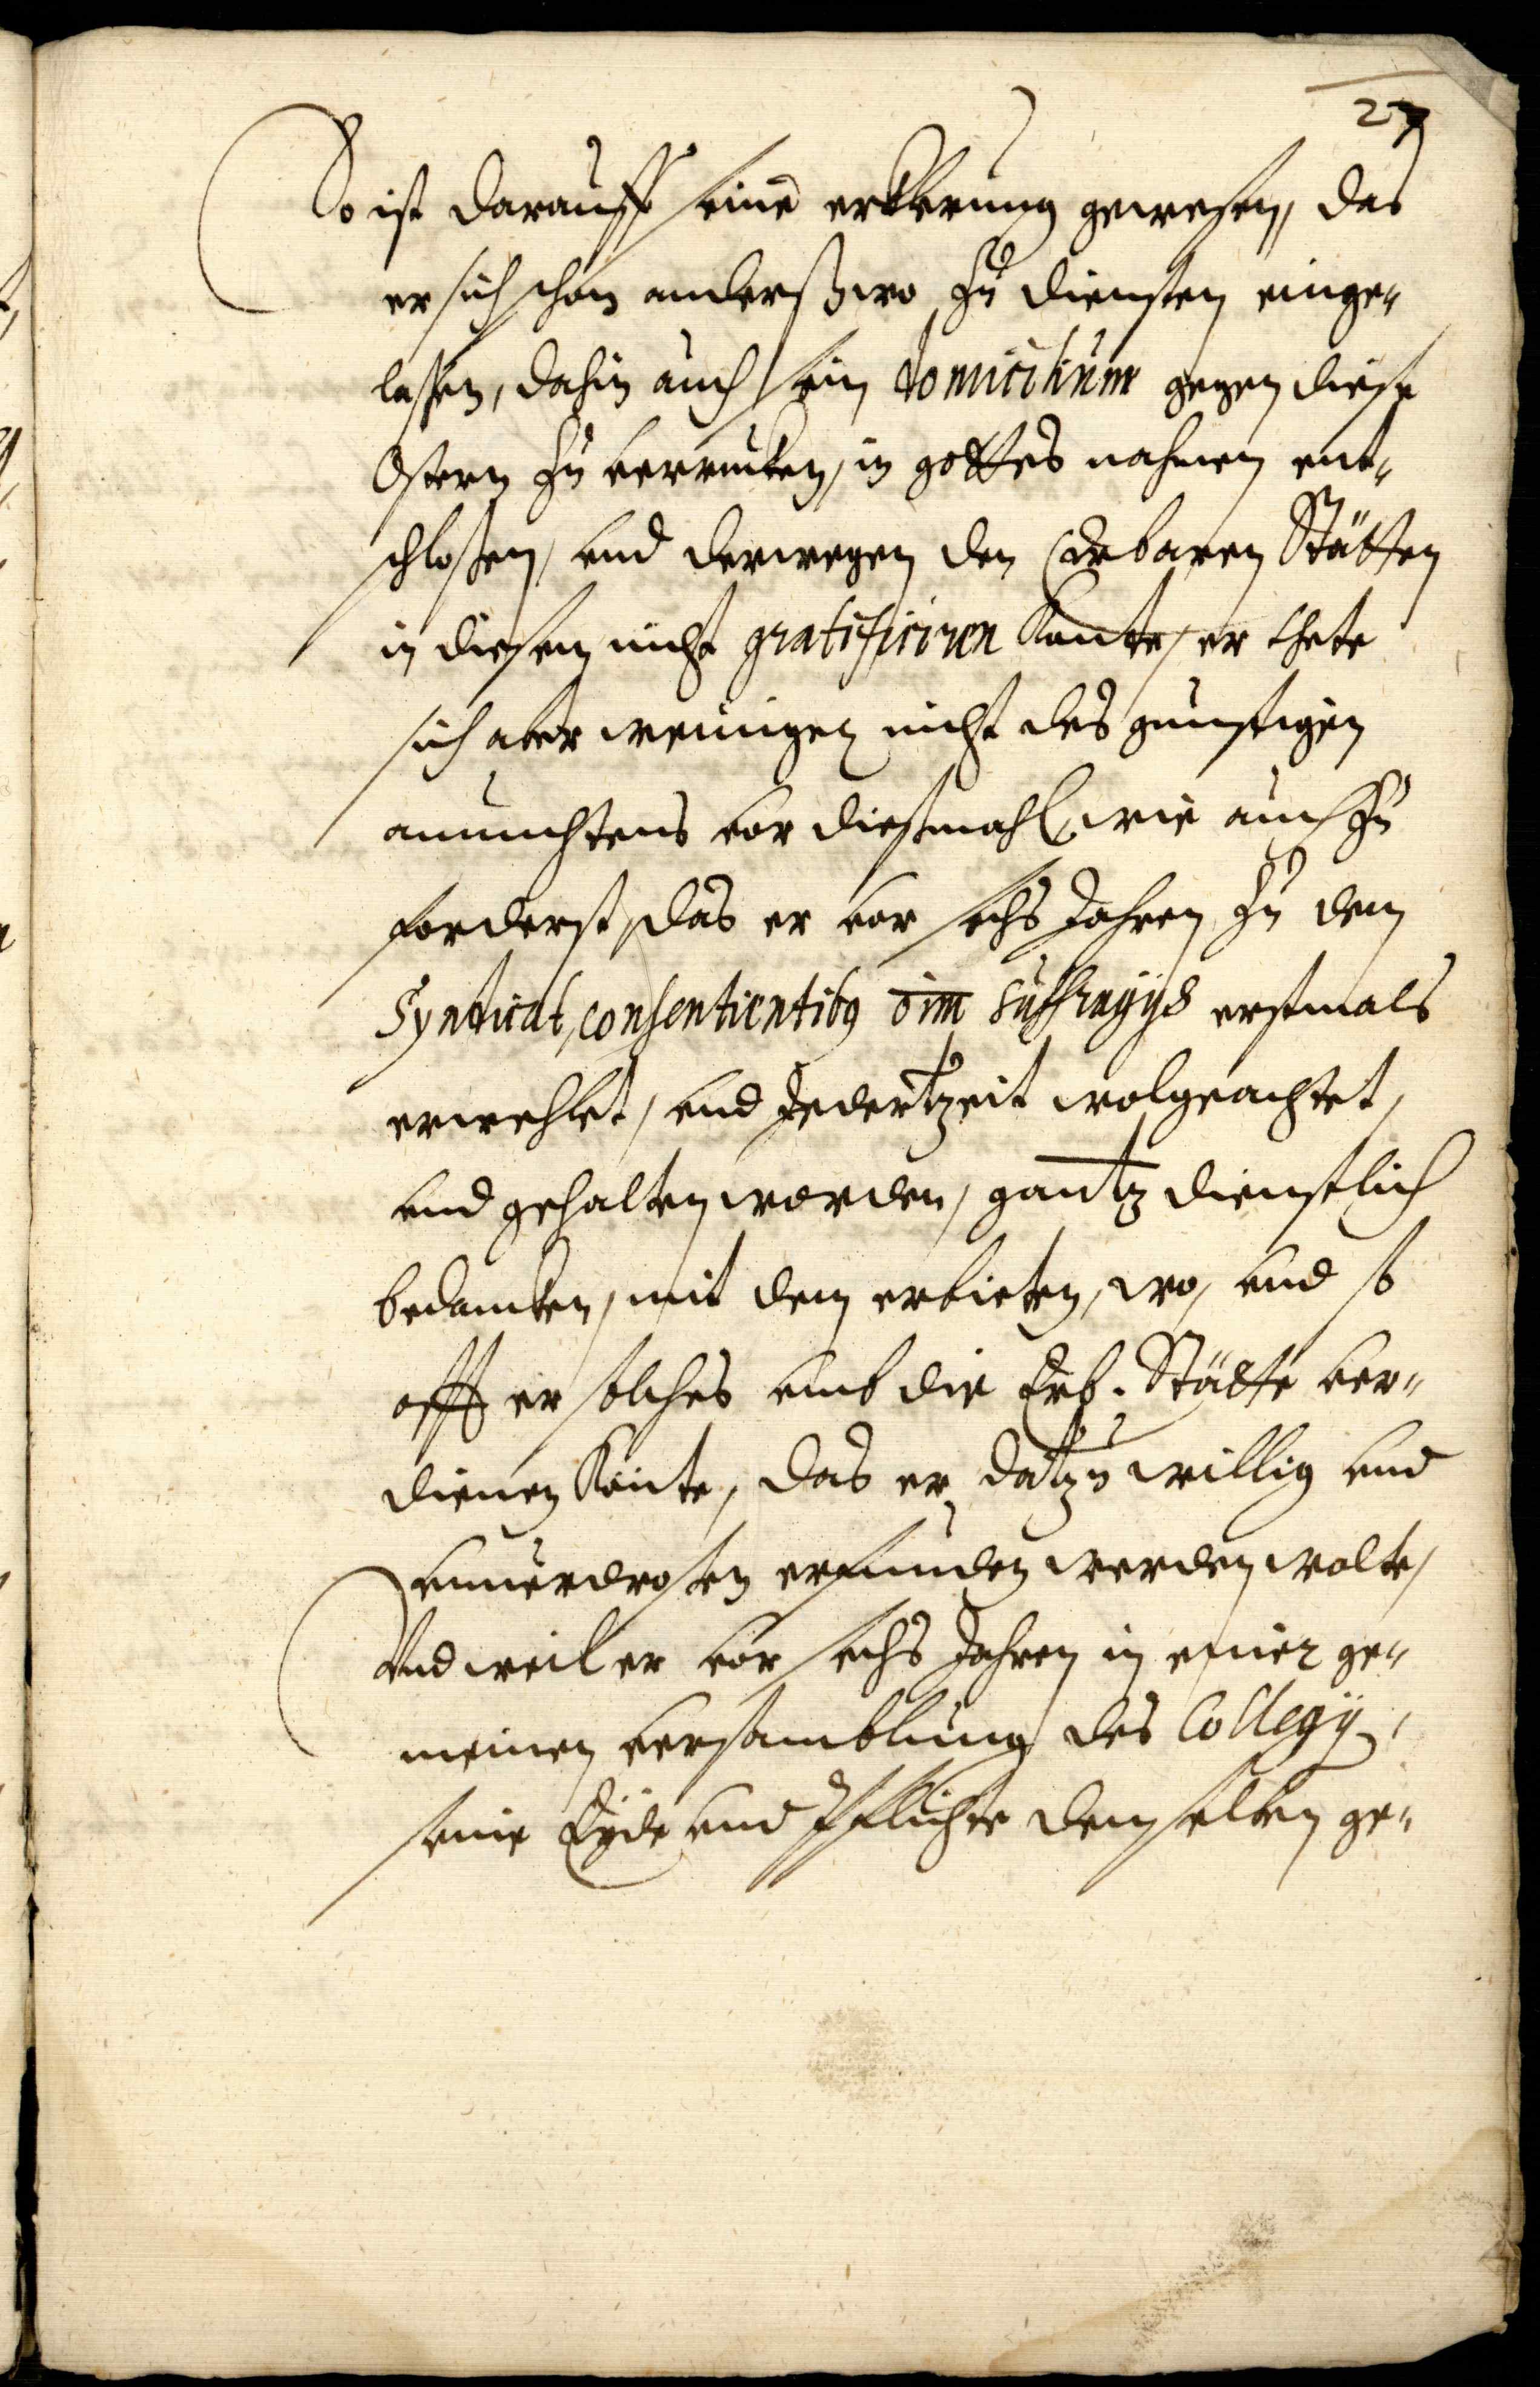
27
So ist darauff seine erklerung gewesen, das
er sich schon anderßwo zu diensten einge¬
laßen, dahin auch sein domicilium gegen diese
Ostern zu verrucken, in gottes nahmen ent¬
schloßen, vnd derwegen den Erbaren Stätten
in diesem nicht gratificiren konte, er thete
sich aber weinigen nicht des gunstigen
annuchtens vor dießmahl, wie auch zu
forderst, das er vor sechs Jahren zu dem
Syndicat, consentientibus omnium suffragijs erstmals
erwehlet, vnd jedertzeit wolgeachtet,
vnd gehalten worden, gantz dienstlich
bedancken, mit dem erbieten, wo, vnd so
offt er solches vmb die Erb. Stätte ver¬
dienen könte, das er datzu willig vnd
vnuerdroßen erfunden werden wolte,
Vnd weil er vor sechs Jahren in einer ge¬
meinen versamblung des Collegij,
seine Eijde vnd Pflichte demselben ge¬
